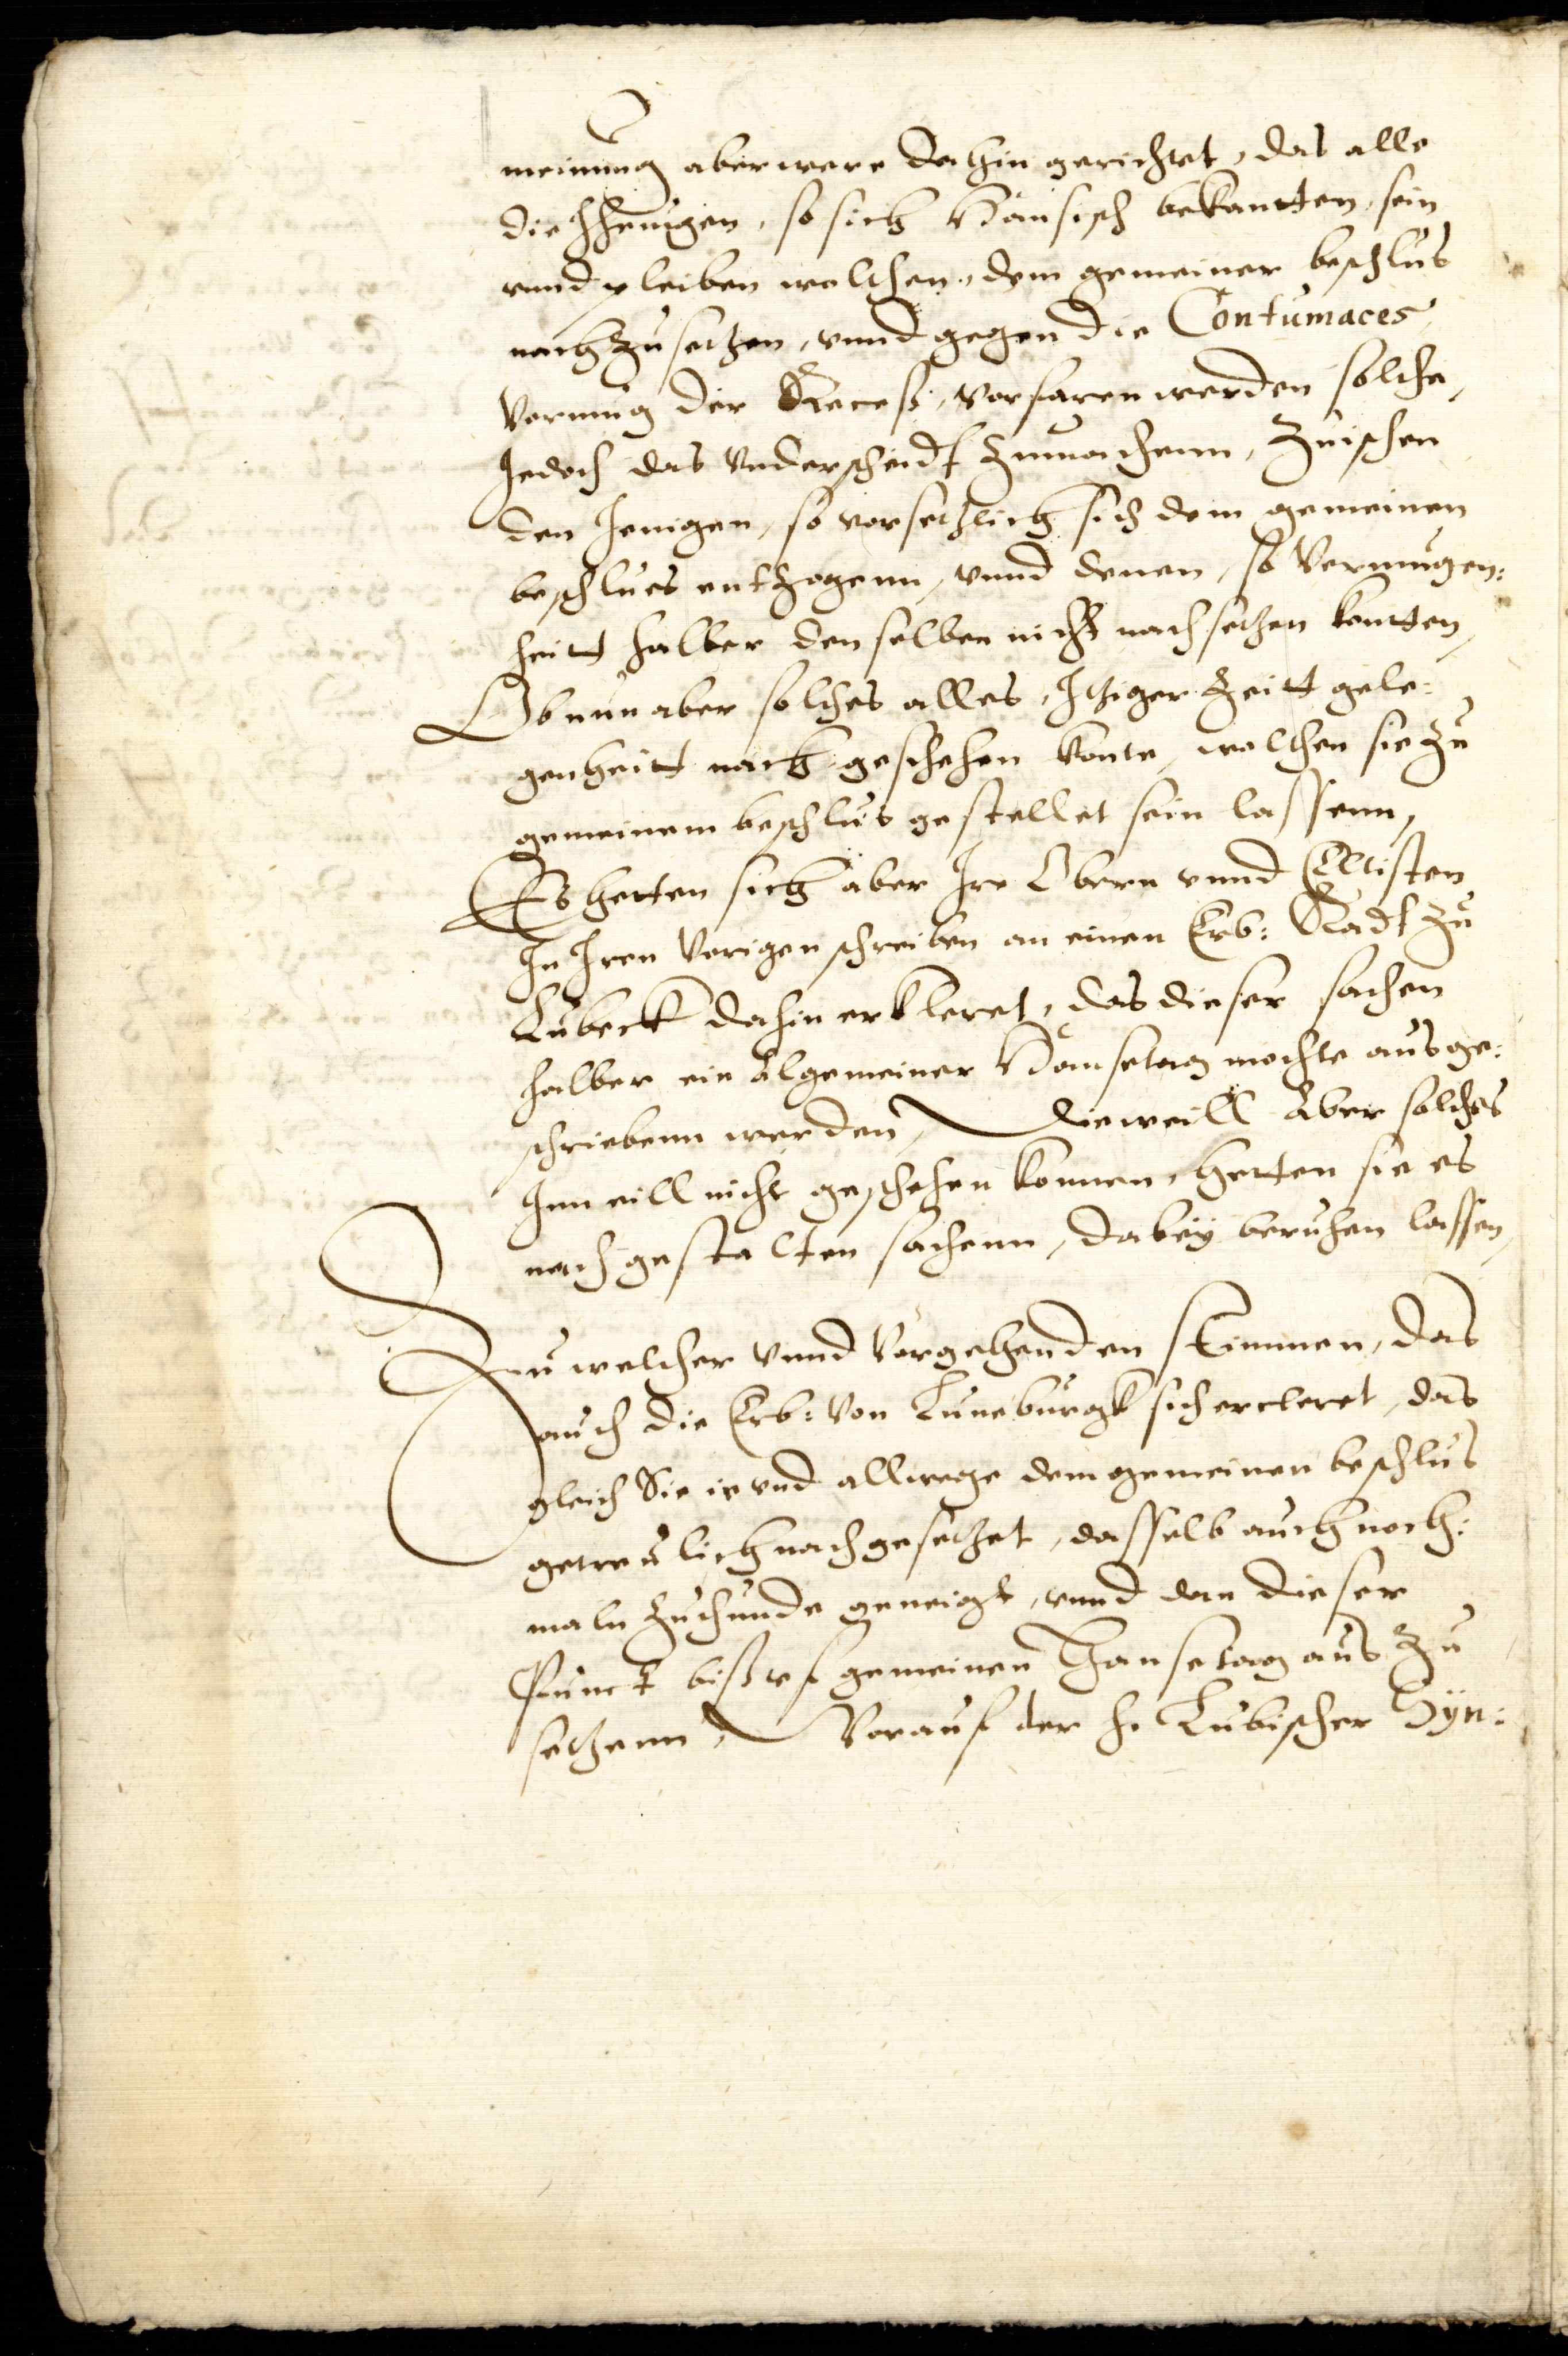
meinung aber were dahin gerichtet, das alle
die Jhenigen, so sich Hansisch bekantten, sein
vnnd pleiben wolthen, dem gemeiner beschlus
nachzusetzen, vnnd gegen die Contumaces
vormug der Receß vorfaren werden solthe,
Jedoch das vnderscheidt zumachenn, zwischen
den Jenigen, so vorsetzlich sich dem gemeinen
beschlues entzogenn, vnnd denen, so Vermugen¬
heitt halber denselben nicht nachsetzen kontten,
Ob nun aber solches alles, Jtziger Zeitt gele¬
genheitt nach geschehen konte, wolthen sie zu
gemeinem beschlus gestellet sein lassenn,
Es hetten sich aber Jre Obern vnnd Eltisten
Jn Jren vorigen schreiben an einen Erb: Radt zu
Lubeck dahin erkleret, das dieser sachen
halber ein algemeiner Hansetag mochte ausge¬
schriebenn werden, Dieweill aber solches
Jnn eill nicht geschehen konnen, hetten sie es
nach gestelten sachenn, dabey beruhen lassen,
Zu welcher vnnd vorgehenden Stimmen, das
auch die Erb: von Luneburgk sich ercleret, das
gleich Sie in vnd allerwege dem gemeinen beschlus
getreulich nachgesetzet, dasselb auch noch¬
maln zuthunde geneigt, vnnd dan dieser
Punct biß vf gemeinen Hansetag aus zu
setzenn, Worauf der h. Lubischer Sijn¬
